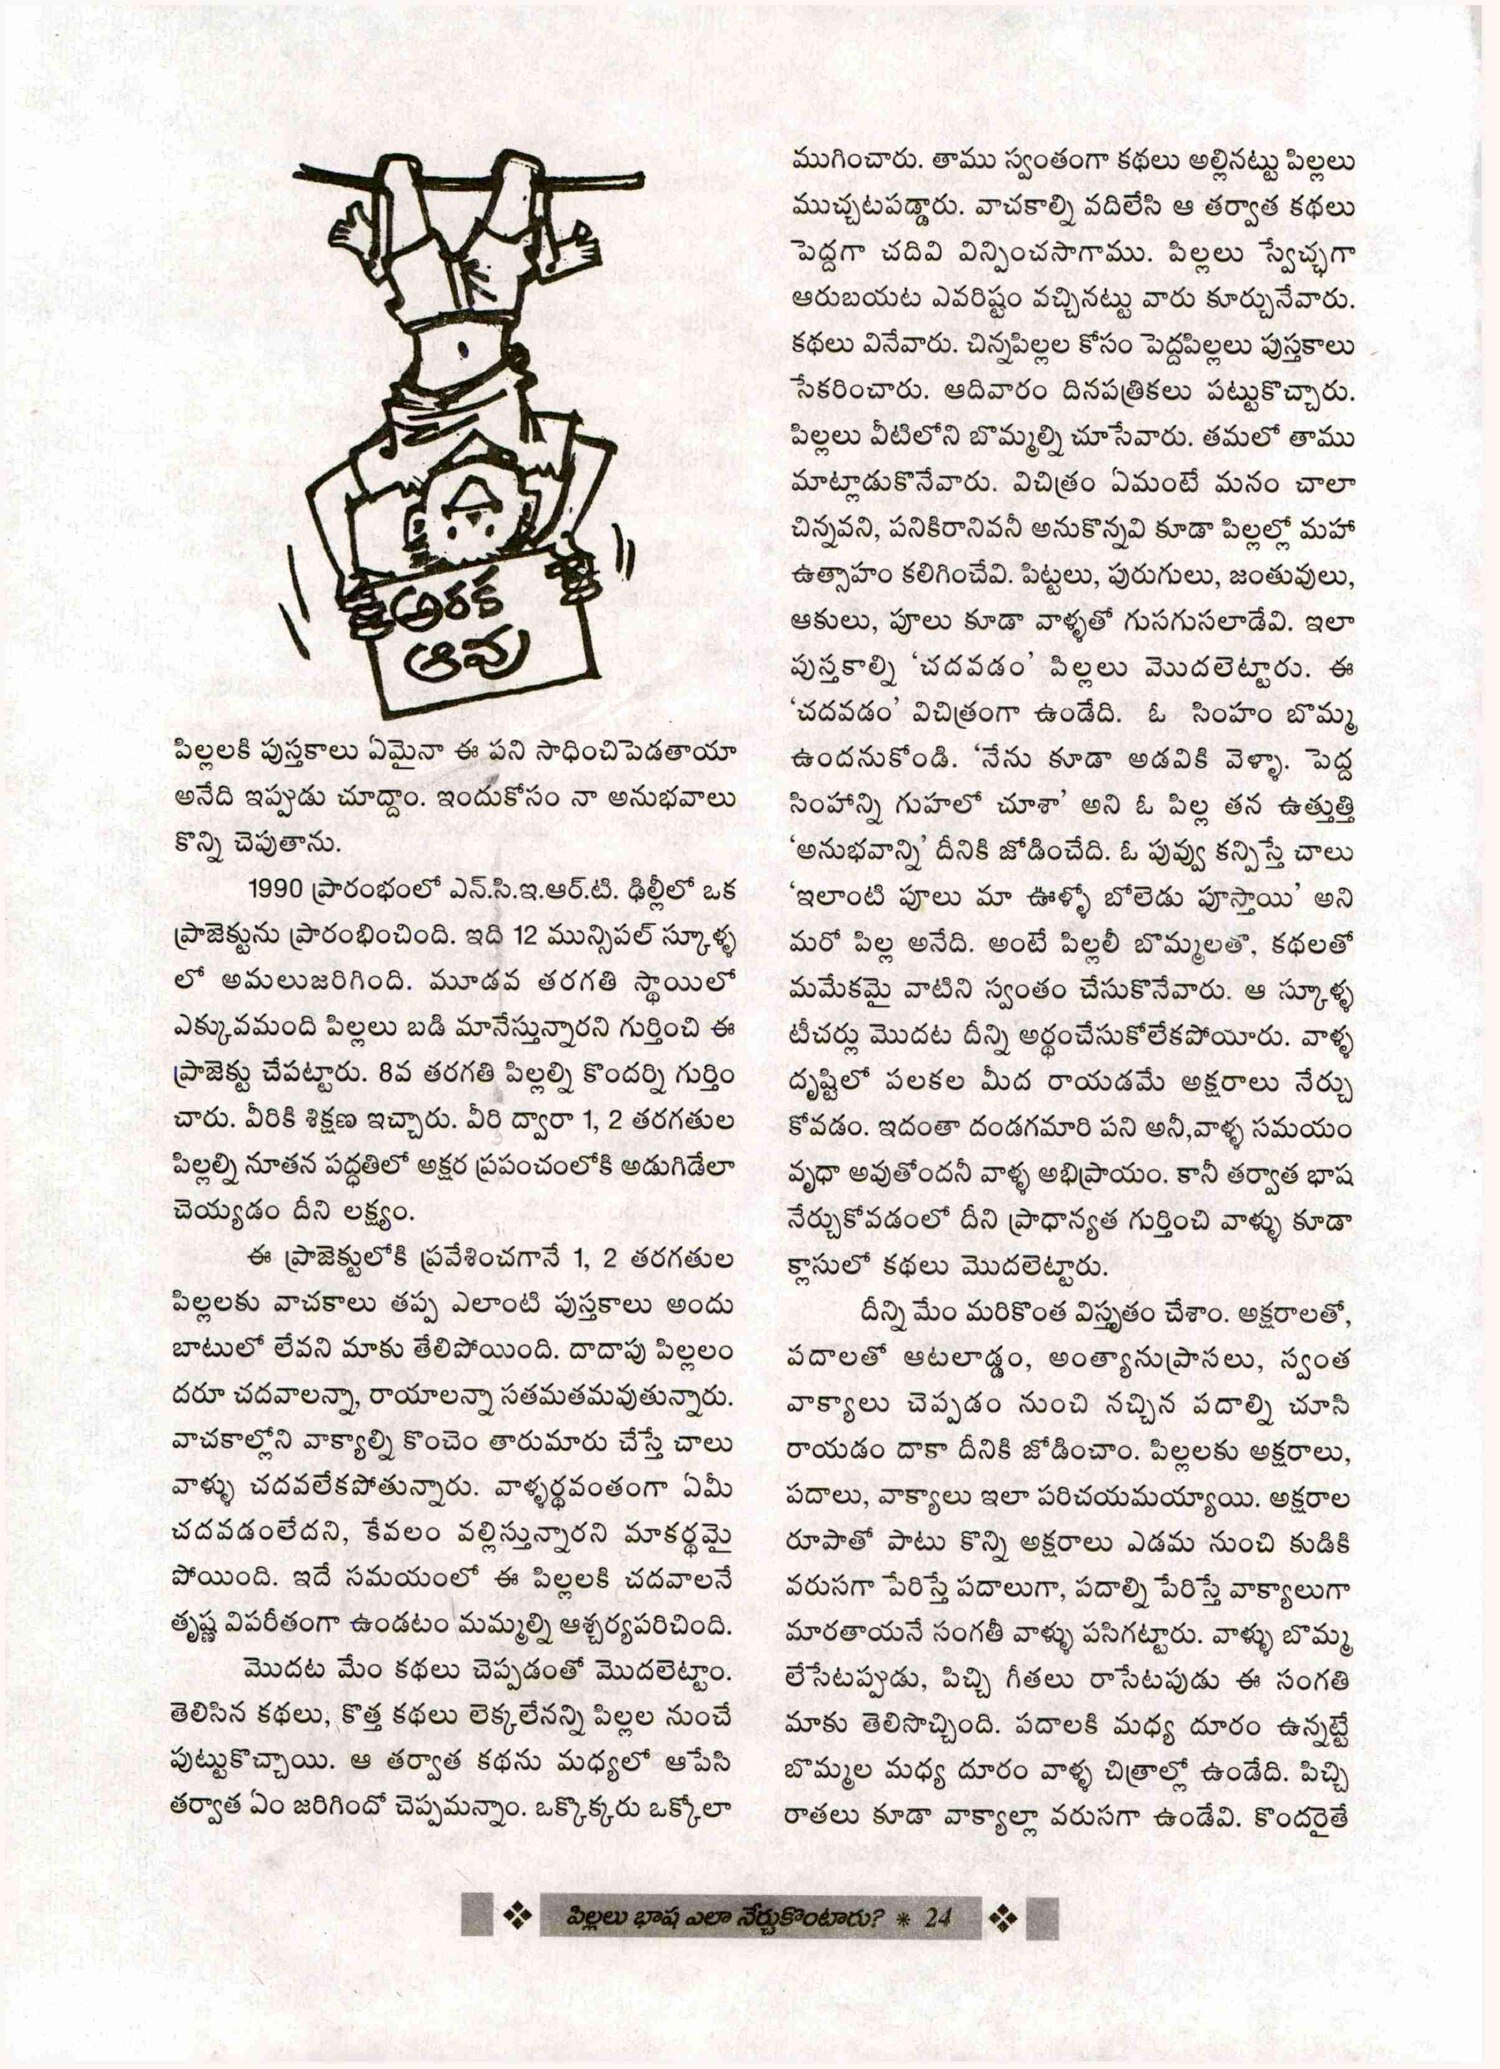పిల్లలకి పుస్తకాలు ఏమైనా ఈ పని సాధించిపెడతాయా అనేది ఇప్పుడు చూద్దాం. ఇందుకోసం నా అనుభవాలు
కొన్ని చెపుతాను.

1990 ప్రారంభంలో ఎన్.సి.ఇ.ఆర్.టి. ఢిల్లీలో ఒక ప్రాజెక్టును ప్రారంభించింది. ఇది 12 మున్సిపల్ స్కూళ్ళలో అమలుజరిగింది. మూడవ తరగతి స్థాయిలో ఎక్కువమంది పిల్లలు బడి మానేస్తున్నారని గుర్తించి ఈ ప్రాజెక్టు చేపట్టారు. 8వ తరగతి పిల్లల్ని కొందర్ని గుర్తించారు. వీరికి శిక్షణ ఇచ్చారు. వీరి ద్వారా 1, 2 తరగతుల పిల్లల్ని నూతన పద్ధతిలో అక్షర ప్రపంచంలోకి అడుగిడేలా చెయ్యడం దీని లక్ష్యం.

ఈ ప్రాజెక్టులోకి ప్రవేశించగానే 1, 2 తరగతుల పిల్లలకు వాచకాలు తప్ప ఎలాంటి పుస్తకాలు అందుబాటులో లేవని మాకు తేలిపోయింది. దాదాపు పిల్లలందరూ చదవాలన్నా, రాయాలన్నా సతమతమవుతున్నారు. వాచకాల్లోని వాక్యాల్ని కొంచెం తారుమారు చేస్తే చాలు వాళ్ళు చదవలేకపోతున్నారు. వాళ్ళర్ధవంతంగా ఏమీ చదవడంలేదని, కేవలం వల్లిస్తున్నారని మాకర్థమై పోయింది. ఇదే సమయంలో ఈ పిల్లలకి చదవాలనే తృష్ణ విపరీతంగా ఉండటం మమ్మల్ని ఆశ్చర్యపరిచింది.

మొదట మేం కథలు చెప్పడంతో మొదలెట్టాం. తెలిసిన కథలు, కొత్త కథలు లెక్కలేనన్ని పిల్లల నుంచే పుట్టుకొచ్చాయి. ఆ తర్వాత కథను మధ్యలో ఆపేసి తర్వాత ఏం జరిగిందో చెప్పమన్నాం. ఒక్కొక్కరు ఒక్కోలా ముగించారు. తాము స్వంతంగా కథలు అల్లినట్టు పిల్లలు ముచ్చటపడ్డారు. వాచకాల్ని వదిలేసి ఆ తర్వాత కథలు పెద్దగా చదివి విన్పించసాగాము. పిల్లలు స్వేచ్ఛగా ఆరుబయట ఎవరిష్టం వచ్చినట్టు వారు కూర్చునేవారు. కథలు వినేవారు. చిన్నపిల్లల కోసం పెద్దపిల్లలు పుస్తకాలు సేకరించారు. ఆదివారం దినపత్రికలు పట్టుకొచ్చారు. పిల్లలు వీటిలోని బొమ్మల్ని చూసేవారు. తమలో తాము మాట్లాడుకొనేవారు. విచిత్రం ఏమంటే మనం చాలా చిన్నవని, పనికిరానివనీ అనుకొన్నవి కూడా పిల్లల్లో మహాఉత్సాహం కలిగించేవి. పిట్టలు, పురుగులు, జంతువులు, ఆకులు, పూలు కూడా వాళ్ళతో గుసగుసలాడేవి. ఇలా పుస్తకాల్ని 'చదవడం' పిల్లలు మొదలెట్టారు. ఈ 'చదవడం' విచిత్రంగా ఉండేది. ఓ సింహం బొమ్మ ఉందనుకోండి. 'నేను కూడా అడవికి వెళ్ళా. పెద్ద సింహాన్ని గుహలో చూశా' అని ఓ పిల్ల తన ఉత్తుత్తి
'అనుభవాన్ని' దీనికి జోడించేది. ఓ పువ్వు కన్పిస్తే చాలు 'ఇలాంటి పూలు మా ఊళ్ళో బోలెడు పూస్తాయి' అని మరో పిల్ల అనేది. అంటే పిల్లలీ బొమ్మలతో, కథలతో మమేకమై వాటిని స్వంతం చేసుకొనేవారు. ఆ స్కూళ్ళ టీచర్లు మొదట దీన్ని అర్థంచేసుకోలేకపోయారు. వాళ్ళ దృష్టిలో పలకల మీద రాయడమే అక్షరాలు నేర్చు కోవడం. ఇదంతా దండగమారి పని అనీ, వాళ్ళ సమయం వృధా అవుతోందనీ వాళ్ళ అభిప్రాయం. కానీ తర్వాత భాష నేర్చుకోవడంలో దీని ప్రాధాన్యత గుర్తించి వాళ్ళు కూడా క్లాసులో కథలు మొదలెట్టారు.

దీన్ని మేం మరికొంత విస్తృతం చేశాం. అక్షరాలతో, పదాలతో ఆటలాడ్డం, అంత్యానుప్రాసలు, స్వంతవాక్యాలు చెప్పడం నుంచి నచ్చిన పదాల్ని చూసి రాయడం దాకా దీనికి జోడించాం. పిల్లలకు అక్షరాలు, పదాలు, వాక్యాలు ఇలా పరిచయమయ్యాయి. అక్షరాల రూపాతో పాటు కొన్ని అక్షరాలు ఎడమ నుంచి కుడికి వరుసగా పేరిస్తే పదాలుగా, పదాల్ని పేరిస్తే వాక్యాలుగా మారతాయనే సంగతీ వాళ్ళు పసిగట్టారు. వాళ్ళు బొమ్మ లేసేటప్పుడు, పిచ్చి గీతలు రాసేటపుడు ఈ సంగతి మాకు తెలిసొచ్చింది. పదాలకి మధ్య దూరం ఉన్నట్టే బొమ్మల మధ్య దూరం వాళ్ళ చిత్రాల్లో ఉండేది. పిచ్చిరాతలు కూడా వాక్యాల్లా వరుసగా ఉండేవి. కొందరైతే